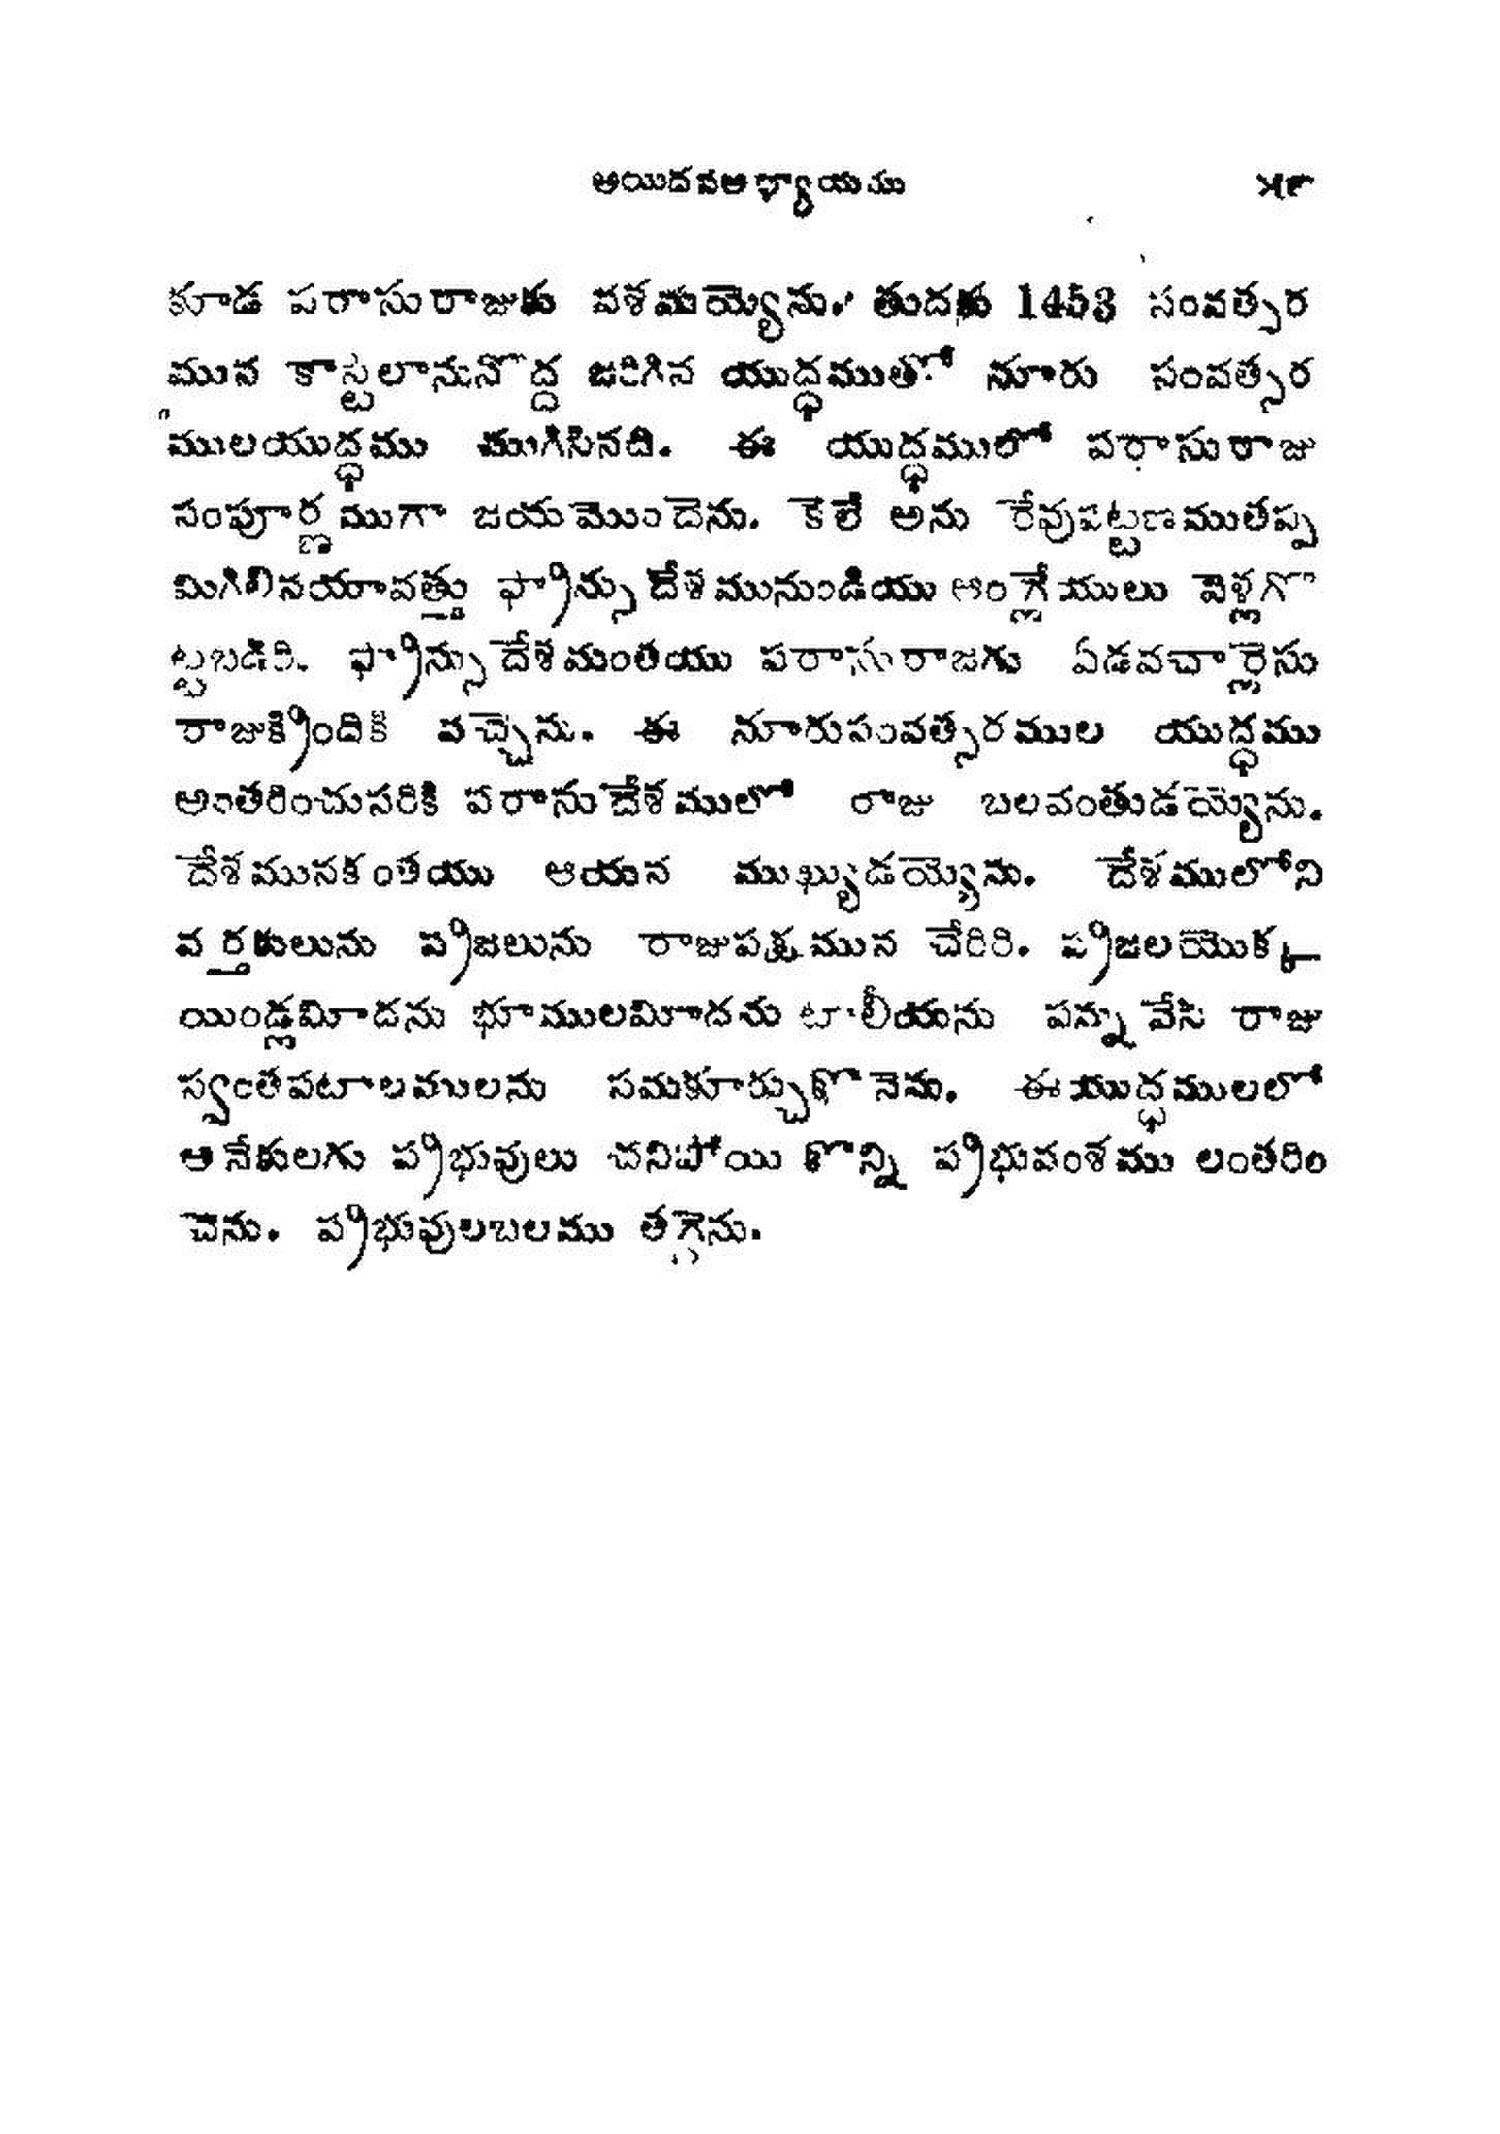కూడ పరాసురాజుకు వశమయ్యెను. తుదకు 1453 సంవత్సర
మున కాస్టిలానునొద్ద జరిగిన యుద్ధములో నూరు సంవత్సర
ముల యుద్ధము ముగిసినది.ఈ యుద్ధములో పరాసు రాజు 
సంపూర్ణముగా జయమొందెను. కెలే అను "రేవుపట్టణ ముతప్ప
మిగిలిన యావత్తు ఫ్రాన్సు దేశమునుండియు ఆంగ్లేయులు పెళ్లగొ
ట్టబడిరి. ఫ్రాన్సు దేశ మంతయు పరాసురాజగు ఏడవచార్లెసు
రాజు కిందికి వచ్చెను. ఈ నూరుసంవత్సరముల యుద్ధము
అంతరించుసరికి పరాను దేశములో రాజు బలవంతుడయ్యెను.
దేశమున కంతయు ఆయన ముఖ్యుడయ్యెసు. దేశములోని
వర్తకులును ప్రజలును రాజుపక్షమున చేరిరి. ప్రజల యొక్క
యిండ్ల మీదను భూముల మీదను టాలీయను పన్ను వేసి రాజు
స్వంత పటాలములను సమకూర్చుకొనెను. ఈ యుద్ధములలో
ఆ నేకులను ప్రభువులు చనిపోయి కొన్ని ప్రభువంశము లంతరిం
చెను. ప్రభువుల బలము తగ్గెను.